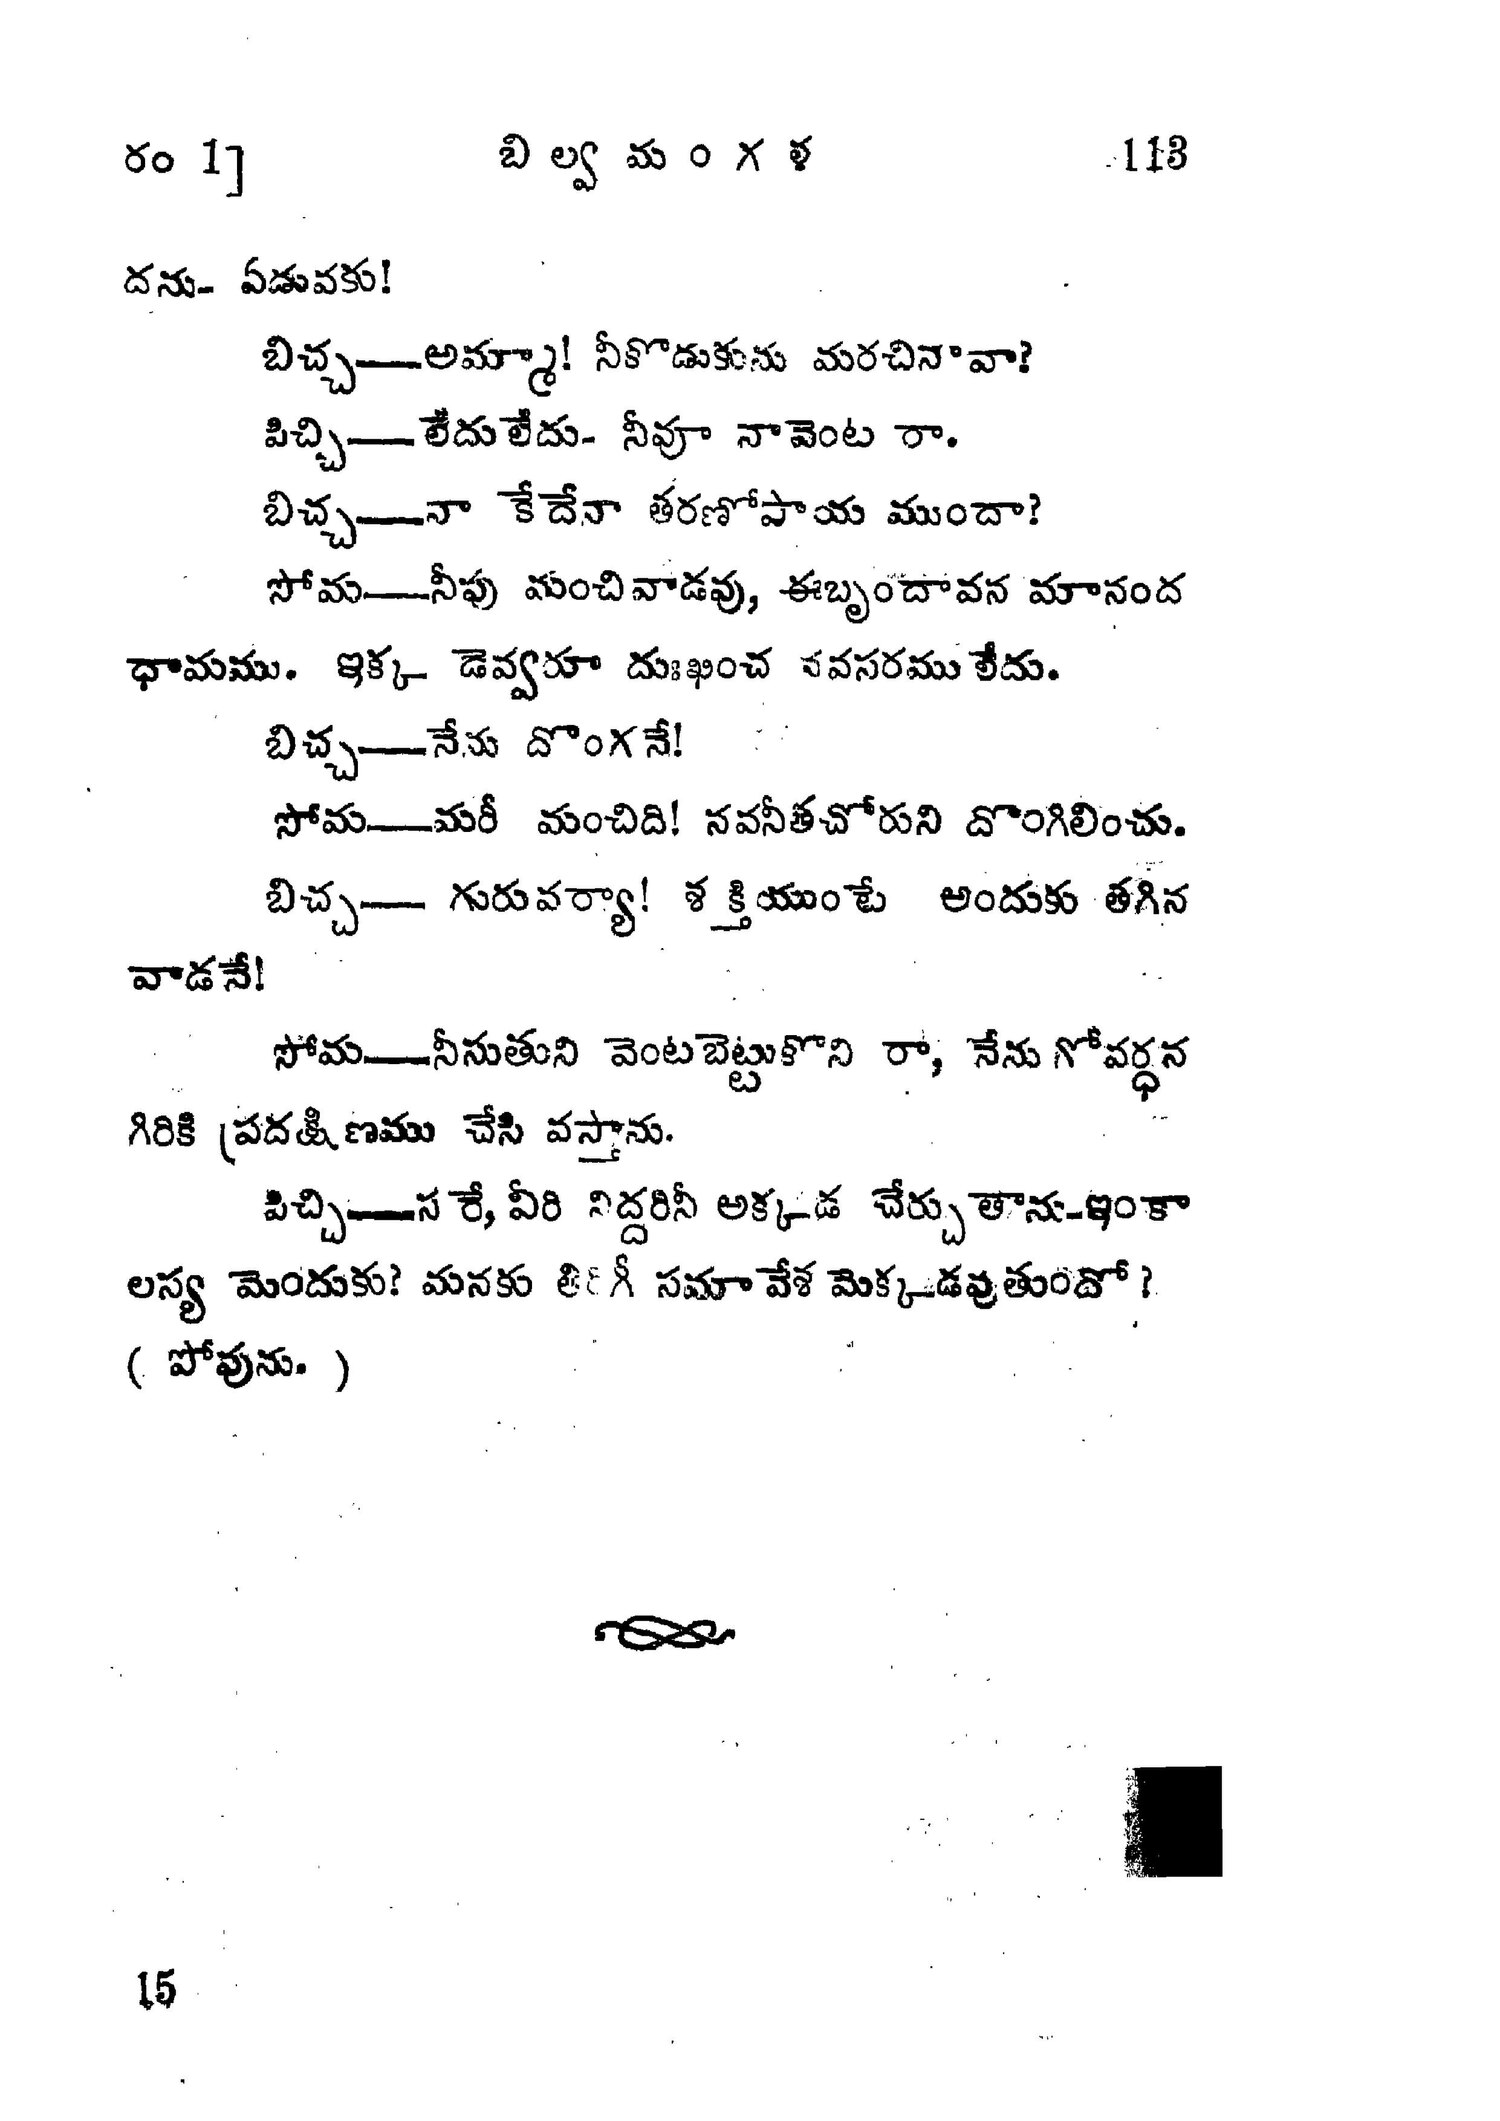దను - ఏడువకు!

బిచ్చ - అమ్మా! నీకొడుకును మరచినావా?

పిచ్చి - లేదులేదు - నీవూ నావెంట రా.

బిచ్చ - నా కేదేనా తరణోపాయ ముందా?

సోమ - నీవు మంచివాడవు, ఈబృందావన మానంద ధామము. ఇక్క డెవ్వరూ దు:ఖించ నవసరము లేదు.

బిచ్చ - నేను దొంగనే!

సోమ - మరీ మంచిది! నవనీతచోరుని దొంగిలించు.

బిచ్చ - గురువర్యా! శక్తియుంటే అందుకు తగిన వాడనే!

సోమ - నీసుతుని వెంటబెట్టుకొని రా, నేను గోవర్ధన గిరికి ప్రదక్షిణము చేసి వస్తాను.

పిచ్చి - సరే, వీరి నిద్దరినీ అక్కడ చేర్చుతాను-ఇంకాలస్య మెందుకు? మనకు తిరిగీ సమావేశ మెక్కడవుతుందో? (పోవును)